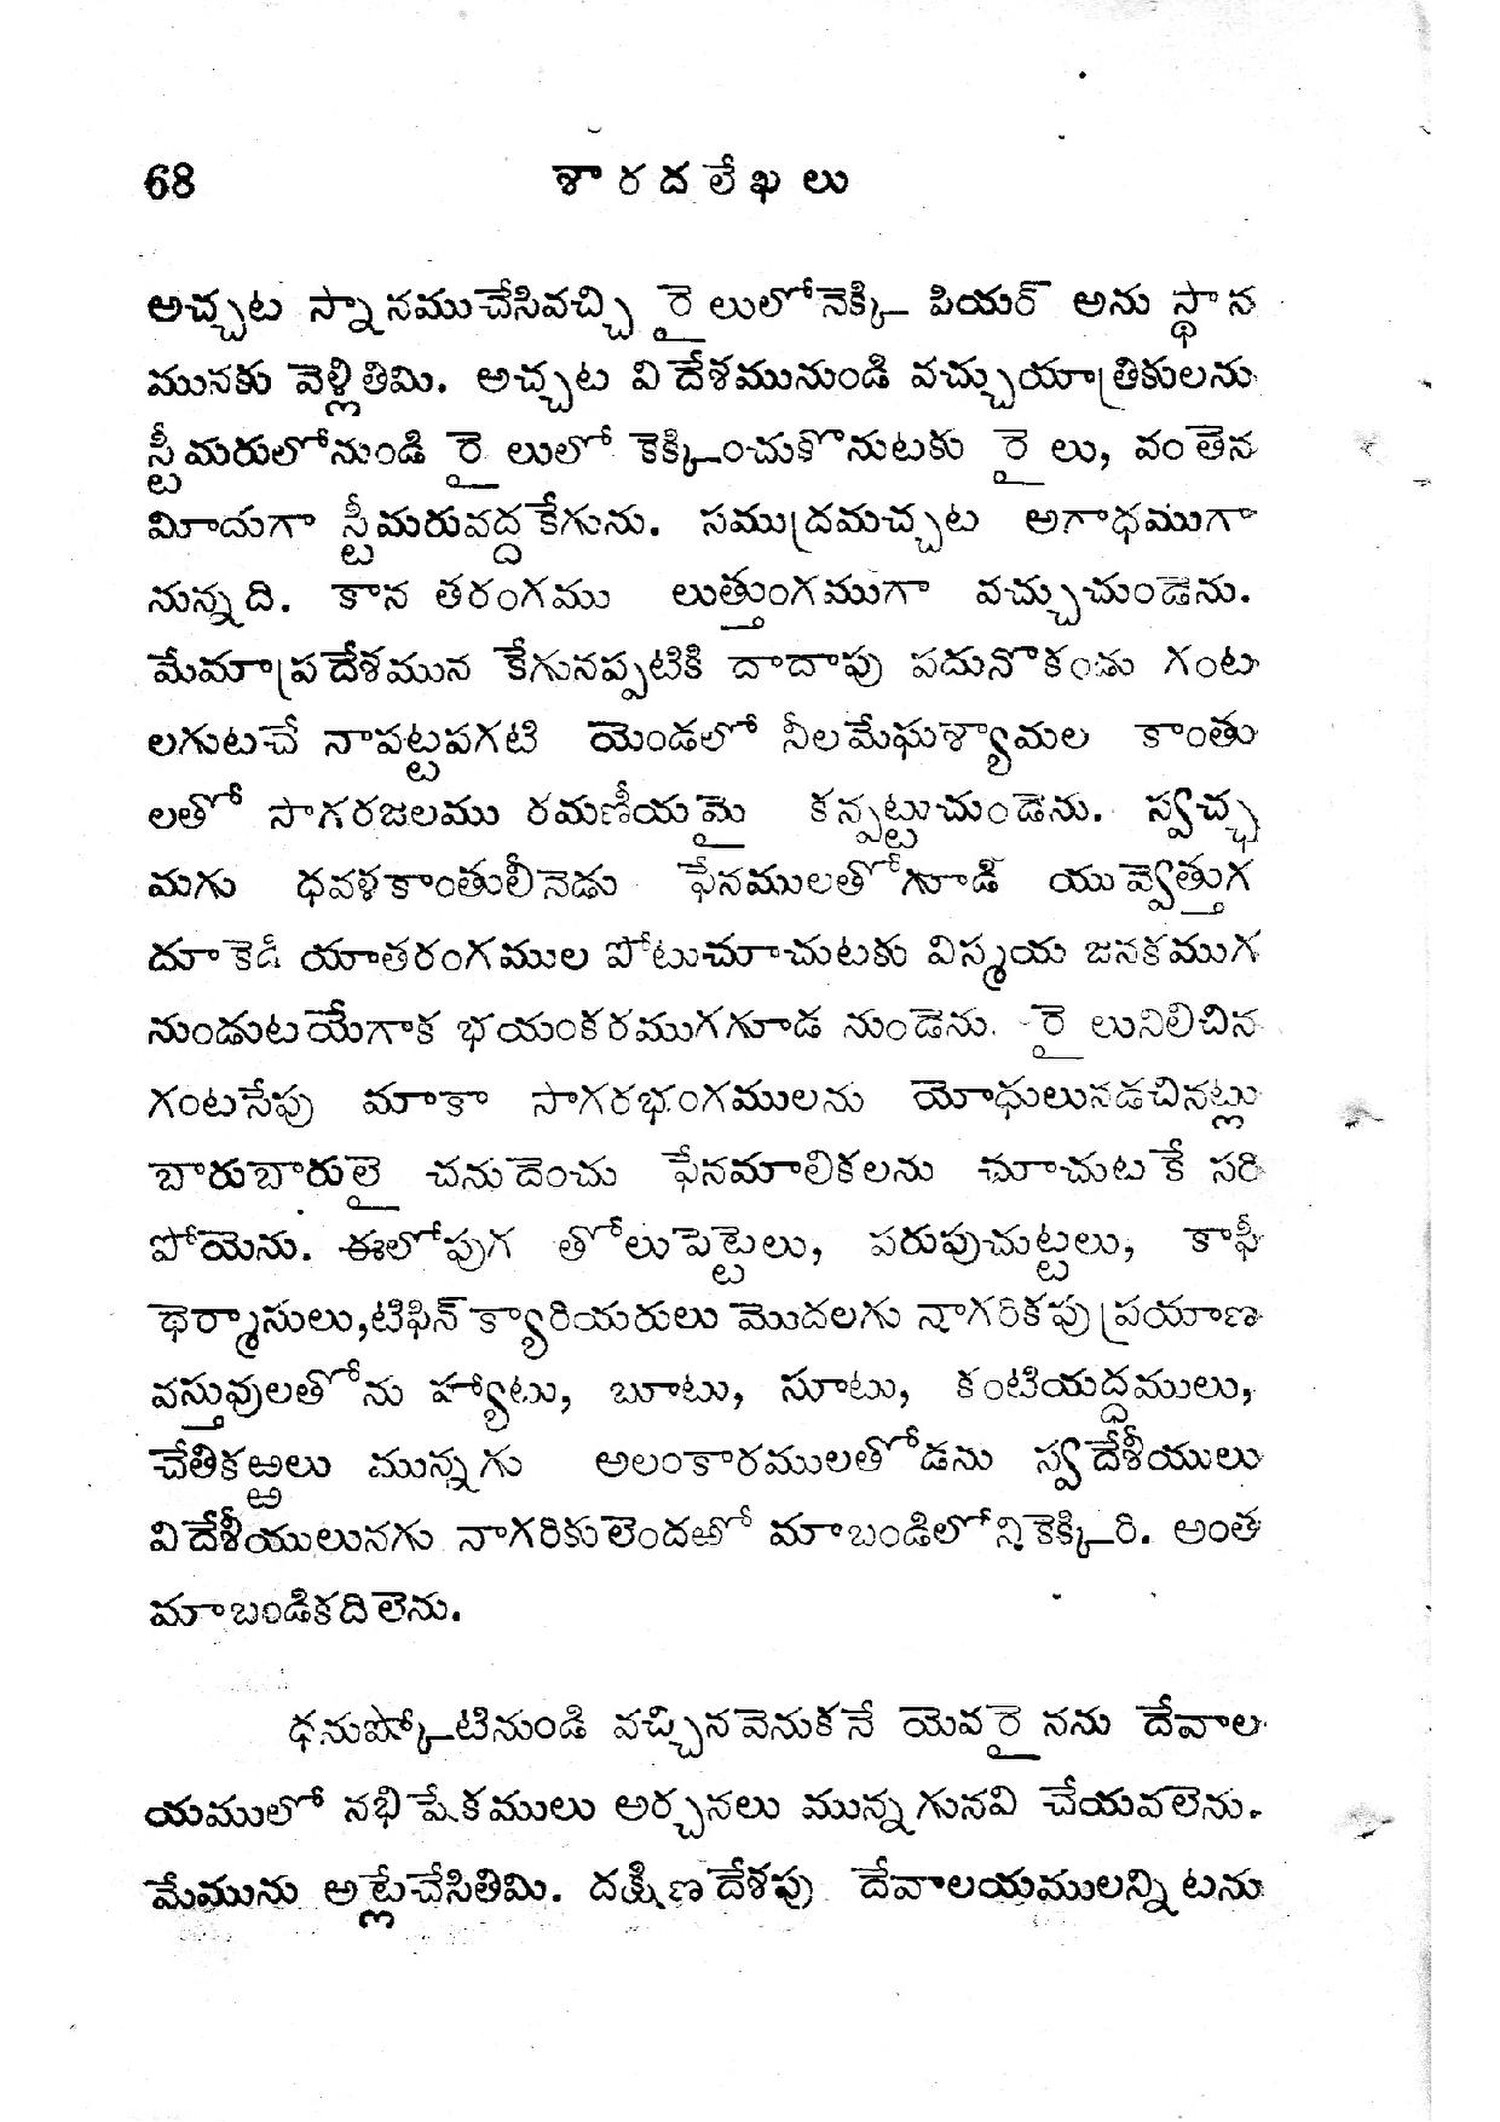అచ్చట స్నానముచేసివచ్చి రైలులోనెక్కి పియర్ అను స్థానమునకు వెళ్లితిమి. అచ్చట విదేశమునుండి వచ్చుయాత్రికులను స్టీమరులోనుండి రైలులో కెక్కించుకొనుటకు రైలు, వంతెనమీదుగా స్టీమరువద్దకేగును. సముద్రమచ్చట అగాధముగా నున్నది. కాన తరంగము లుత్తుంగముగా వచ్చుచుండెను. మేమాప్రదేశమున కేగునప్పటికి దాదాపు పదునొకండు గంటలగుటచే నాపట్టపగటి యెండలో నీలమేఘశ్యామల కాంతులతో సాగరజలము రమణీయమై కన్పట్టుచుండెను. స్వచ్ఛమగు ధవళకాంతులీనెడు ఫేనములతోగూడి యువ్వెత్తుగ
దూకెడి యాతరంగముల పోటుచూచుటకు విస్మయ జనకముగ నుండుటయేగాక భయంకరముగ గూడ నుండెను. రైలునిలిచిన గంటసేపు మాకా సాగరభంగములను యోధులునడచినట్లు బారుబారులై చనుదెంచు ఫేనమాలికలను చూచుటకే సరిపోయెను. ఈలోపుగ తోలుపెట్టెలు, పరుపుచుట్టలు, కాఫీ
థెర్మాసులు,టిఫిన్ క్యారియరులు మొదలగు నాగరికపు ప్రయాణ వస్తువులతోను హ్యాటు, బూటు, సూటు, కంటియద్దములు, చేతికఱ్ఱలు మున్నగు అలంకారములతోడను స్వదేశీయులు విదేశీయులునగు నాగరికులెందఱో మాబండిలోనికెక్కిరి. అంత మా బండికదిలెను.

ధనుష్కోటినుండి వచ్చినవెనుకనే యెవరైనను దేవాలయములో నభిషేకములు అర్చనలు మున్నగునవి చేయవలెను. మేమును అట్లేచేసితిమి. దక్షిణదేశపు దేవాలయములన్నిటను